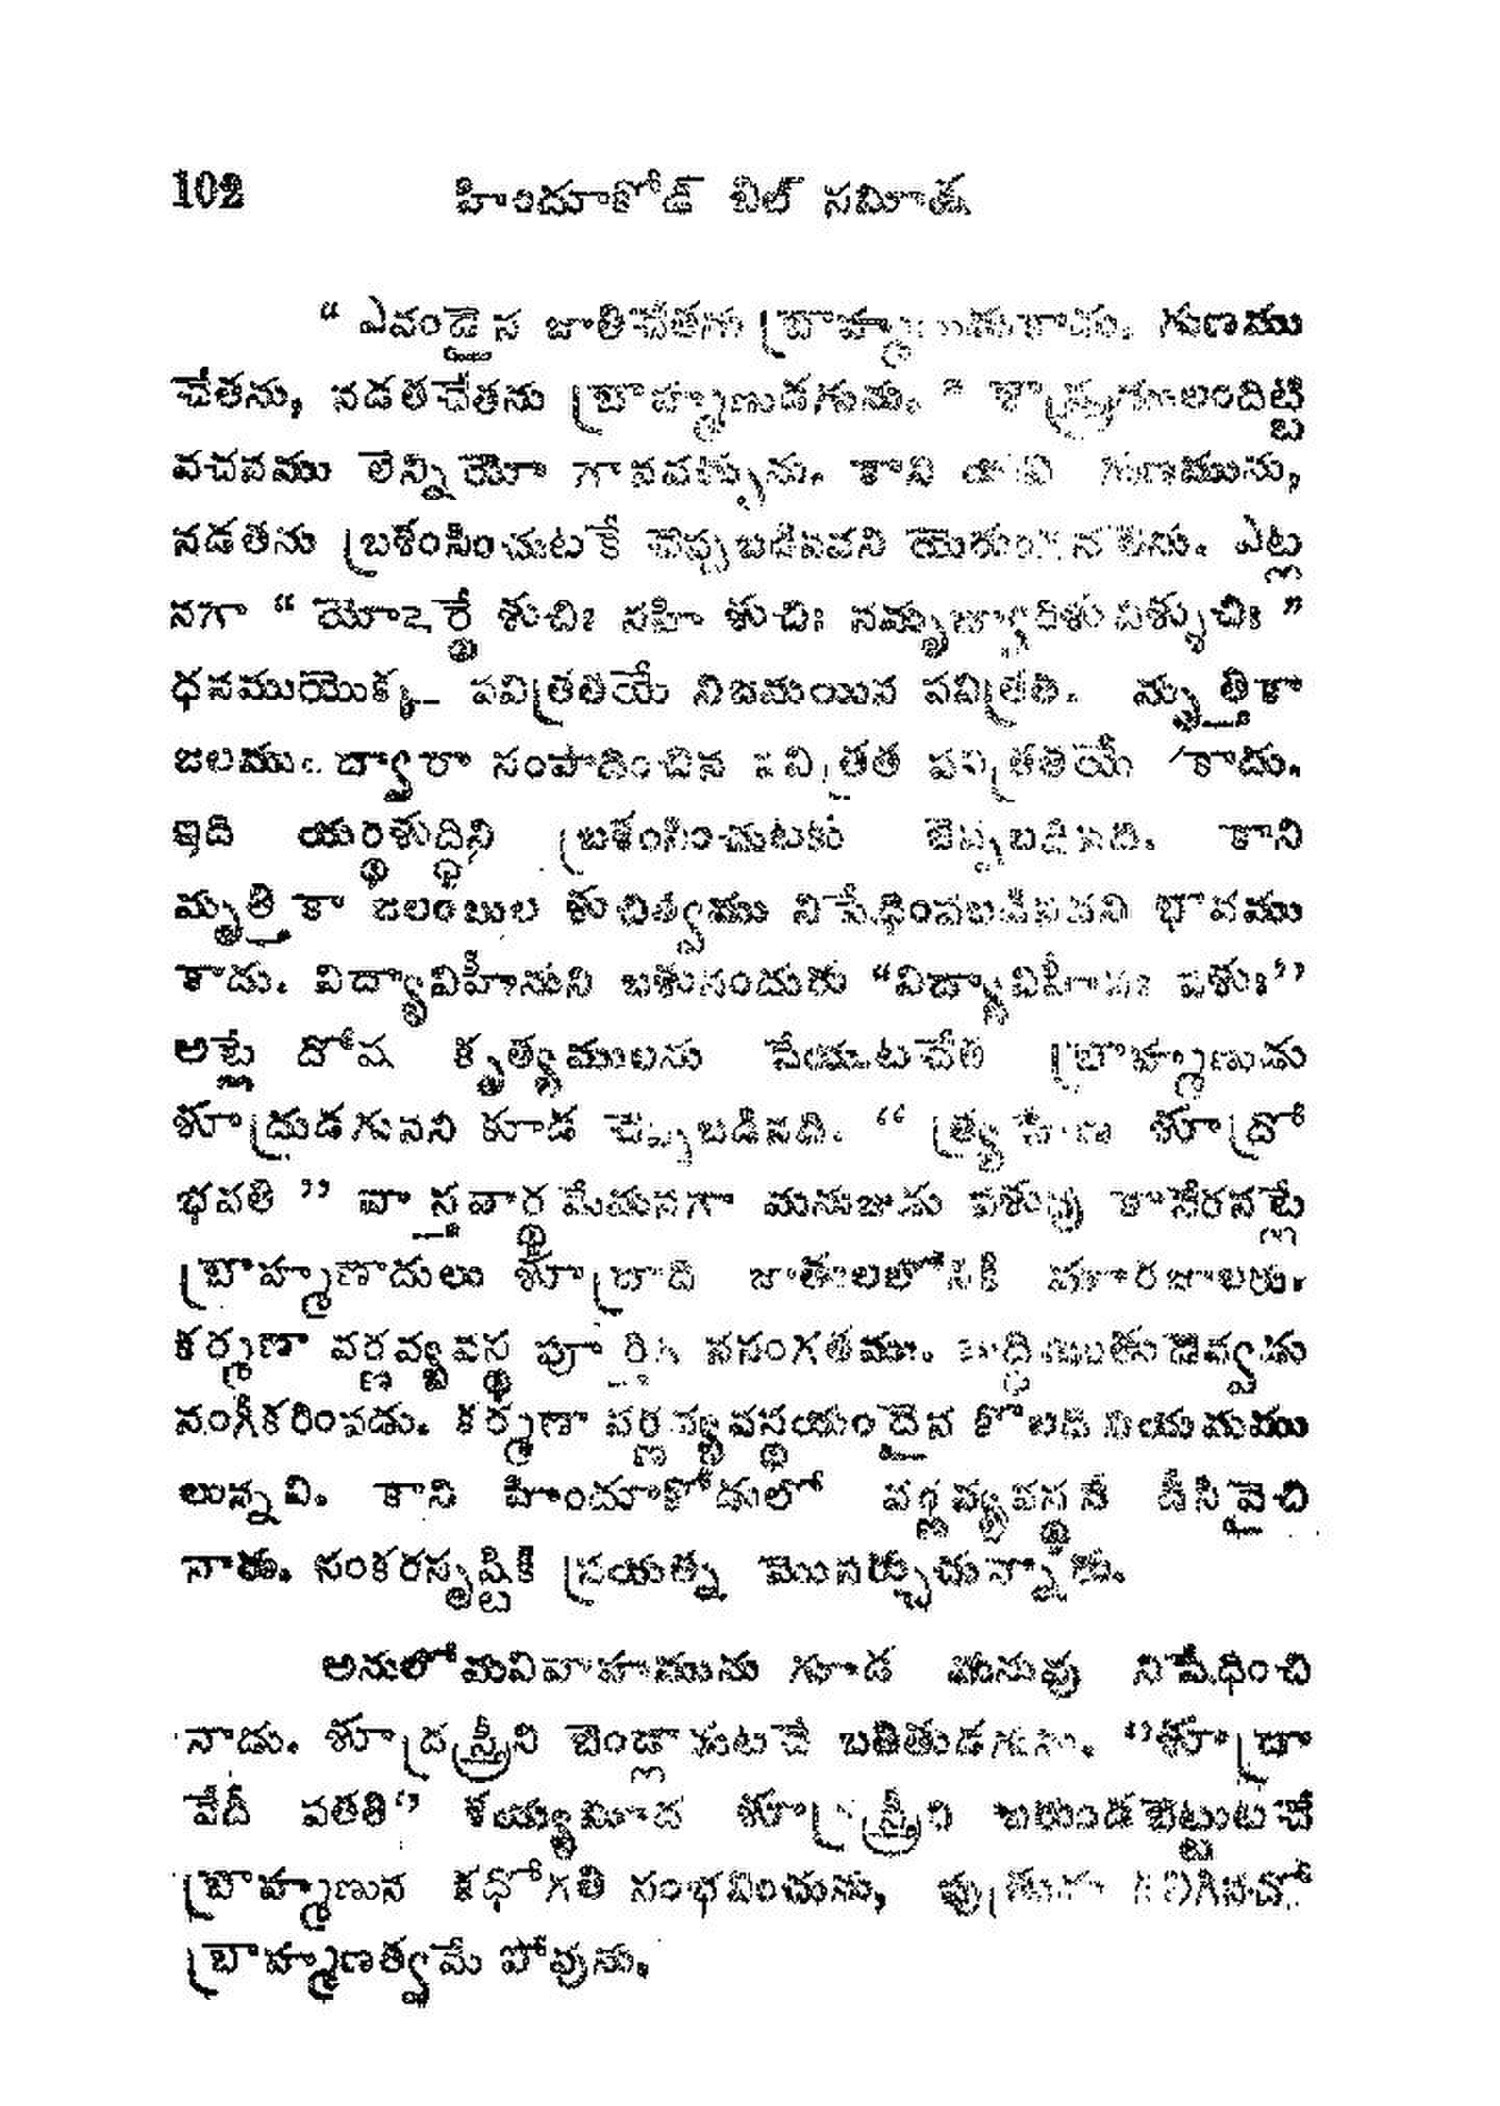"ఎవండైన జాతిచేతను బ్రాహ్మణుడు కాదు గుణము
చేతను, నడతచేతను బ్రాహ్మణుడగును." శాస్త్రములందిట్టి
వచనము లెన్నియో గానవచ్చును. కాని యవి గుణమును,
నడతను బ్రశంసించుటకే చెప్పబడినవని యెరుంగవలెను. 
ఎట్లనగా " యో౽ర్డే శుచిః సహి శుచిః నమృద్వారిశుచిశ్శుచిః "
ధనముయొక్క పవిత్రతయే నిజమయిన పవిత్రత మృత్తికా
జలముల ద్వారా సంపాదించిన పవిత్రత పవిత్రతయే కాదు.
ఇది యర్థశుద్ధిని బ్రశంసించుటకు చెప్పబడింది. కాని 
మృత్తికా జలంబుల శుచిత్వము నిషేధింపబడినదని భావము
కాదు. విద్యావిహీనుని బశువందురు “విద్యావిహీనః పశుః ”
అట్లే దోష కృత్యములను సేయుటచేత శూద్రుడగునని కూడ 
చెప్పబడినది. "త్య్రహేణ శూద్రో భవతి" 
వాస్తవార్థమేమనగా మనుజుడు పశువు కానేరనట్లే 
బ్రాహ్మణాదులు శూద్రాది జాతులలోనికి మారజాలరు.
కర్మణా వర్ణవ్యవస్థ పూర్తి నసంగతము. బుద్ధిమంతుడెవ్వడు
సంగీకరించడు. కర్మణా వర్ణ వ్యవస్థయందైన కొలది నియమము
లున్నవి. కాని హిందూకోడులో వర్ణవ్యవస్థనే దీసివైచి
నారు. సంకరసృష్టికి ప్రయత్న మొనర్చుచున్నారు.

అనులోమవివాహమును గూడ వసువు నిషేధించి
నాడు. శూద్రస్త్రీని బెండ్లాడుటచే బతితుడగును. "శూద్రా 
వేదీ పతతి " శయ్యమీద శూద్రస్త్రీని పరుండబెట్టుట చే 
బ్రాహ్మణున కధోగతి సంభవించును, పుత్రుడు కలిగినచో
బ్రాహ్మణత్వమే పోవును.